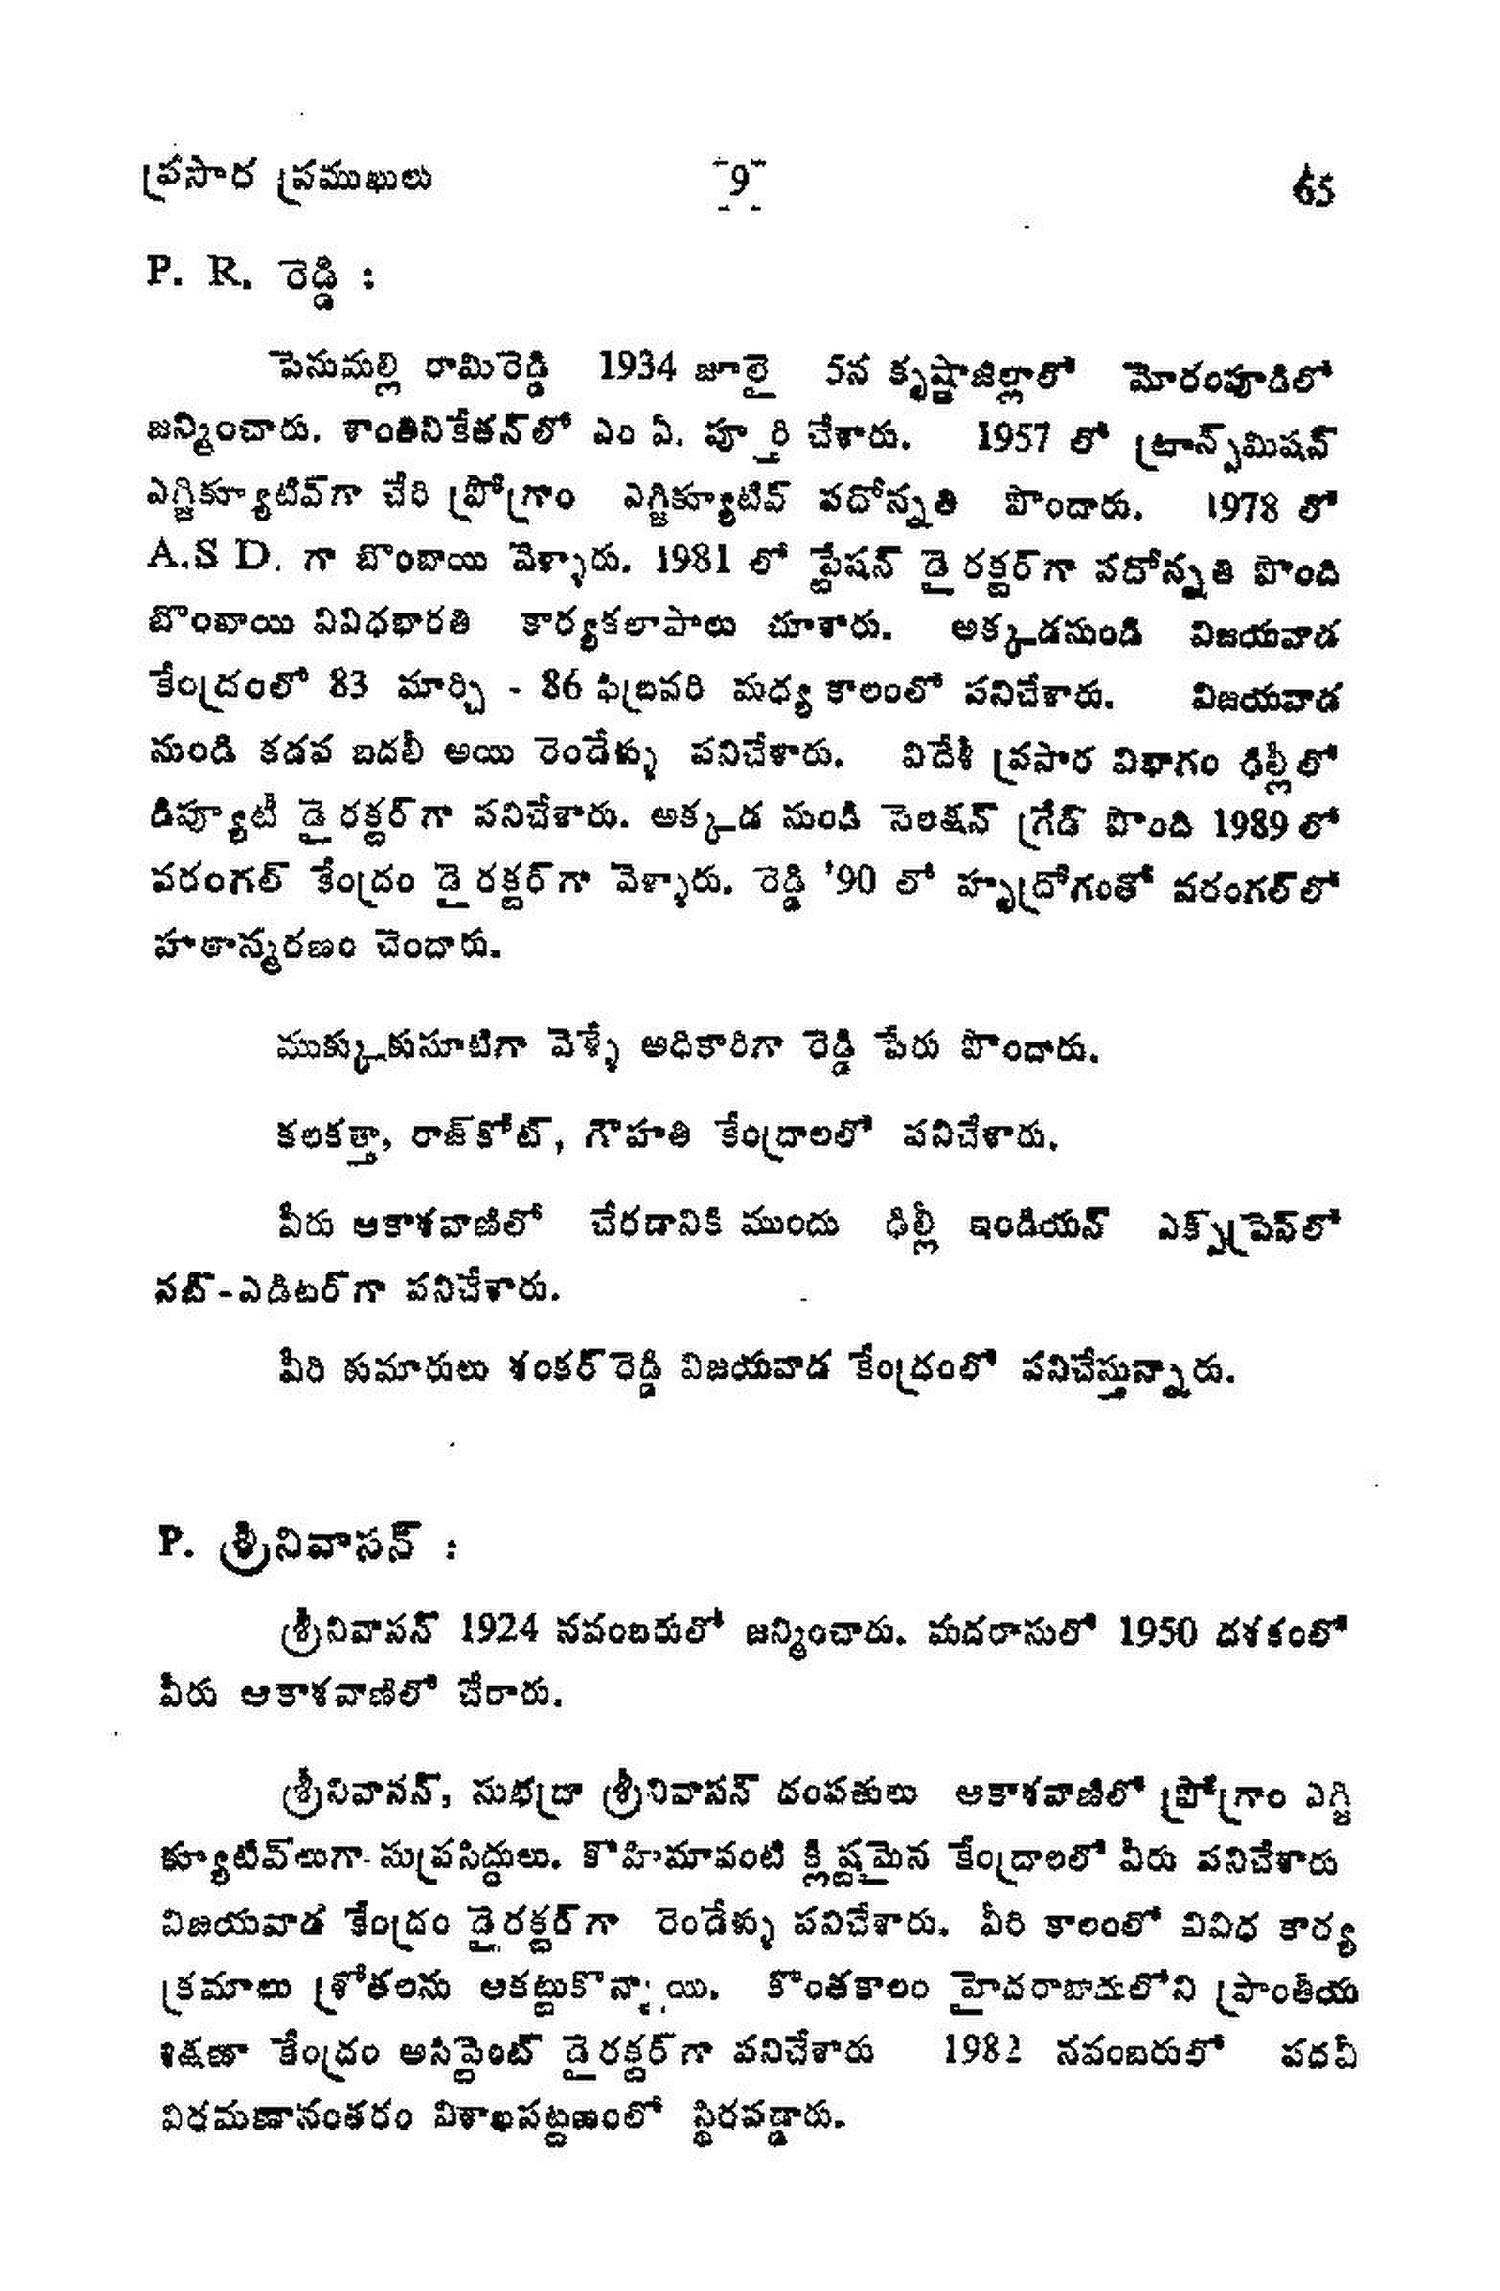పెనుమల్లి రామిరెడ్డి 1934 జూలై 5న కృష్ణాజిల్లాలో మోరంపూడిలో జన్మించారు. శాంతినికేతన్‌లో ఎం. ఏ. పూర్తి చేశారు. 1957 లో ట్రాన్స్‌మిషన్ ఎగ్జిక్యూటివ్‌గా చేరి ప్రోగ్రాం ఎగ్జిక్యూటివ్ పదోన్నతి పొందారు. 1978లో A.S.D. గా బొంబాయి వెళ్ళారు. 1981 లో స్టేషన్ డైరక్టర్‌గా పదోన్నతి పొంది బొంబాయి వివిధభారతి కార్యకలాపాలు చూశారు. అక్కడనుండి విజయవాడ కేంద్రంలో 83 మార్చి - 86 ఫిబ్రవరి మధ్య కాలంలో పనిచేశారు. విజయవాడ నుండి కడప బదిలీ అయి రెండేళ్ళు పనిచేశారు. విదేశీ ప్రసార విభాగం డిల్లీలో డిప్యూటీ డైరక్టర్‌గా పనిచేశారు. అక్కడనుండి సెలక్షన్ గ్రేడ్ పొంది 1989లో వరంగల్ కేంద్రం డైరక్టర్‌గా వెళ్ళారు. రెడ్డి 90 లో హృద్రోగంతో వరంగల్‌లో హఠాన్మరణం చెందారు.

ముక్కుకుసూటిగా వెళ్ళే అధికారిగా రెడ్డి పేరు పొందారు.

కలకత్తా, రాజ్‌కోట్, గౌహతి కేంద్రాలలో పనిచేశారు.

వీరు ఆకాశవాణిలో చేరడానికి ముందు డిల్లీ ఇండియన్ ఎక్స్‌ప్రెస్‌లో సబ్ - ఎడిటర్‌గా పని చేశారు.

వీరి కుమారులు శంకర్‌రెడ్డి విజయవాడ కేంద్రంలో పనిచేస్తున్నారు.

శ్రీనివాసన్ 1924 నవంబరులో జన్మించారు. మదరాసులో 1950 దశకంలో వీరు ఆకాశవాణిలో చేరారు.

శ్రీనివాసన్, సుభద్రా శ్రీనివాసన్ దంపతులు ఆకాశవాణిలో ప్రోగ్రాం ఎగ్జిక్యూటివ్‌లుగా సుప్రసిద్ధులు. కొహిమావంటి క్లిష్టమైన కేంద్రాలలో వీరు పనిచేశారు. విజయవాడ కేంద్రం డైరక్టర్ గా రెండేళ్ళు పనిచేశారు. వీరి కాలంలో వివిధ కార్యక్రమాలు శ్రోతలను ఆకట్టుకొన్నాయి. కొంతకాలం హైదరాబాదులోని ప్రాంతీయ శిక్షణా కేంద్రం అసిస్టెంట్ డైరక్టర్‌గా పనిచేశారు. 1982 నవంబరులో పదవీ విరమణానంతరం విశాఖపట్టణంలో స్థిరపడ్డారు.